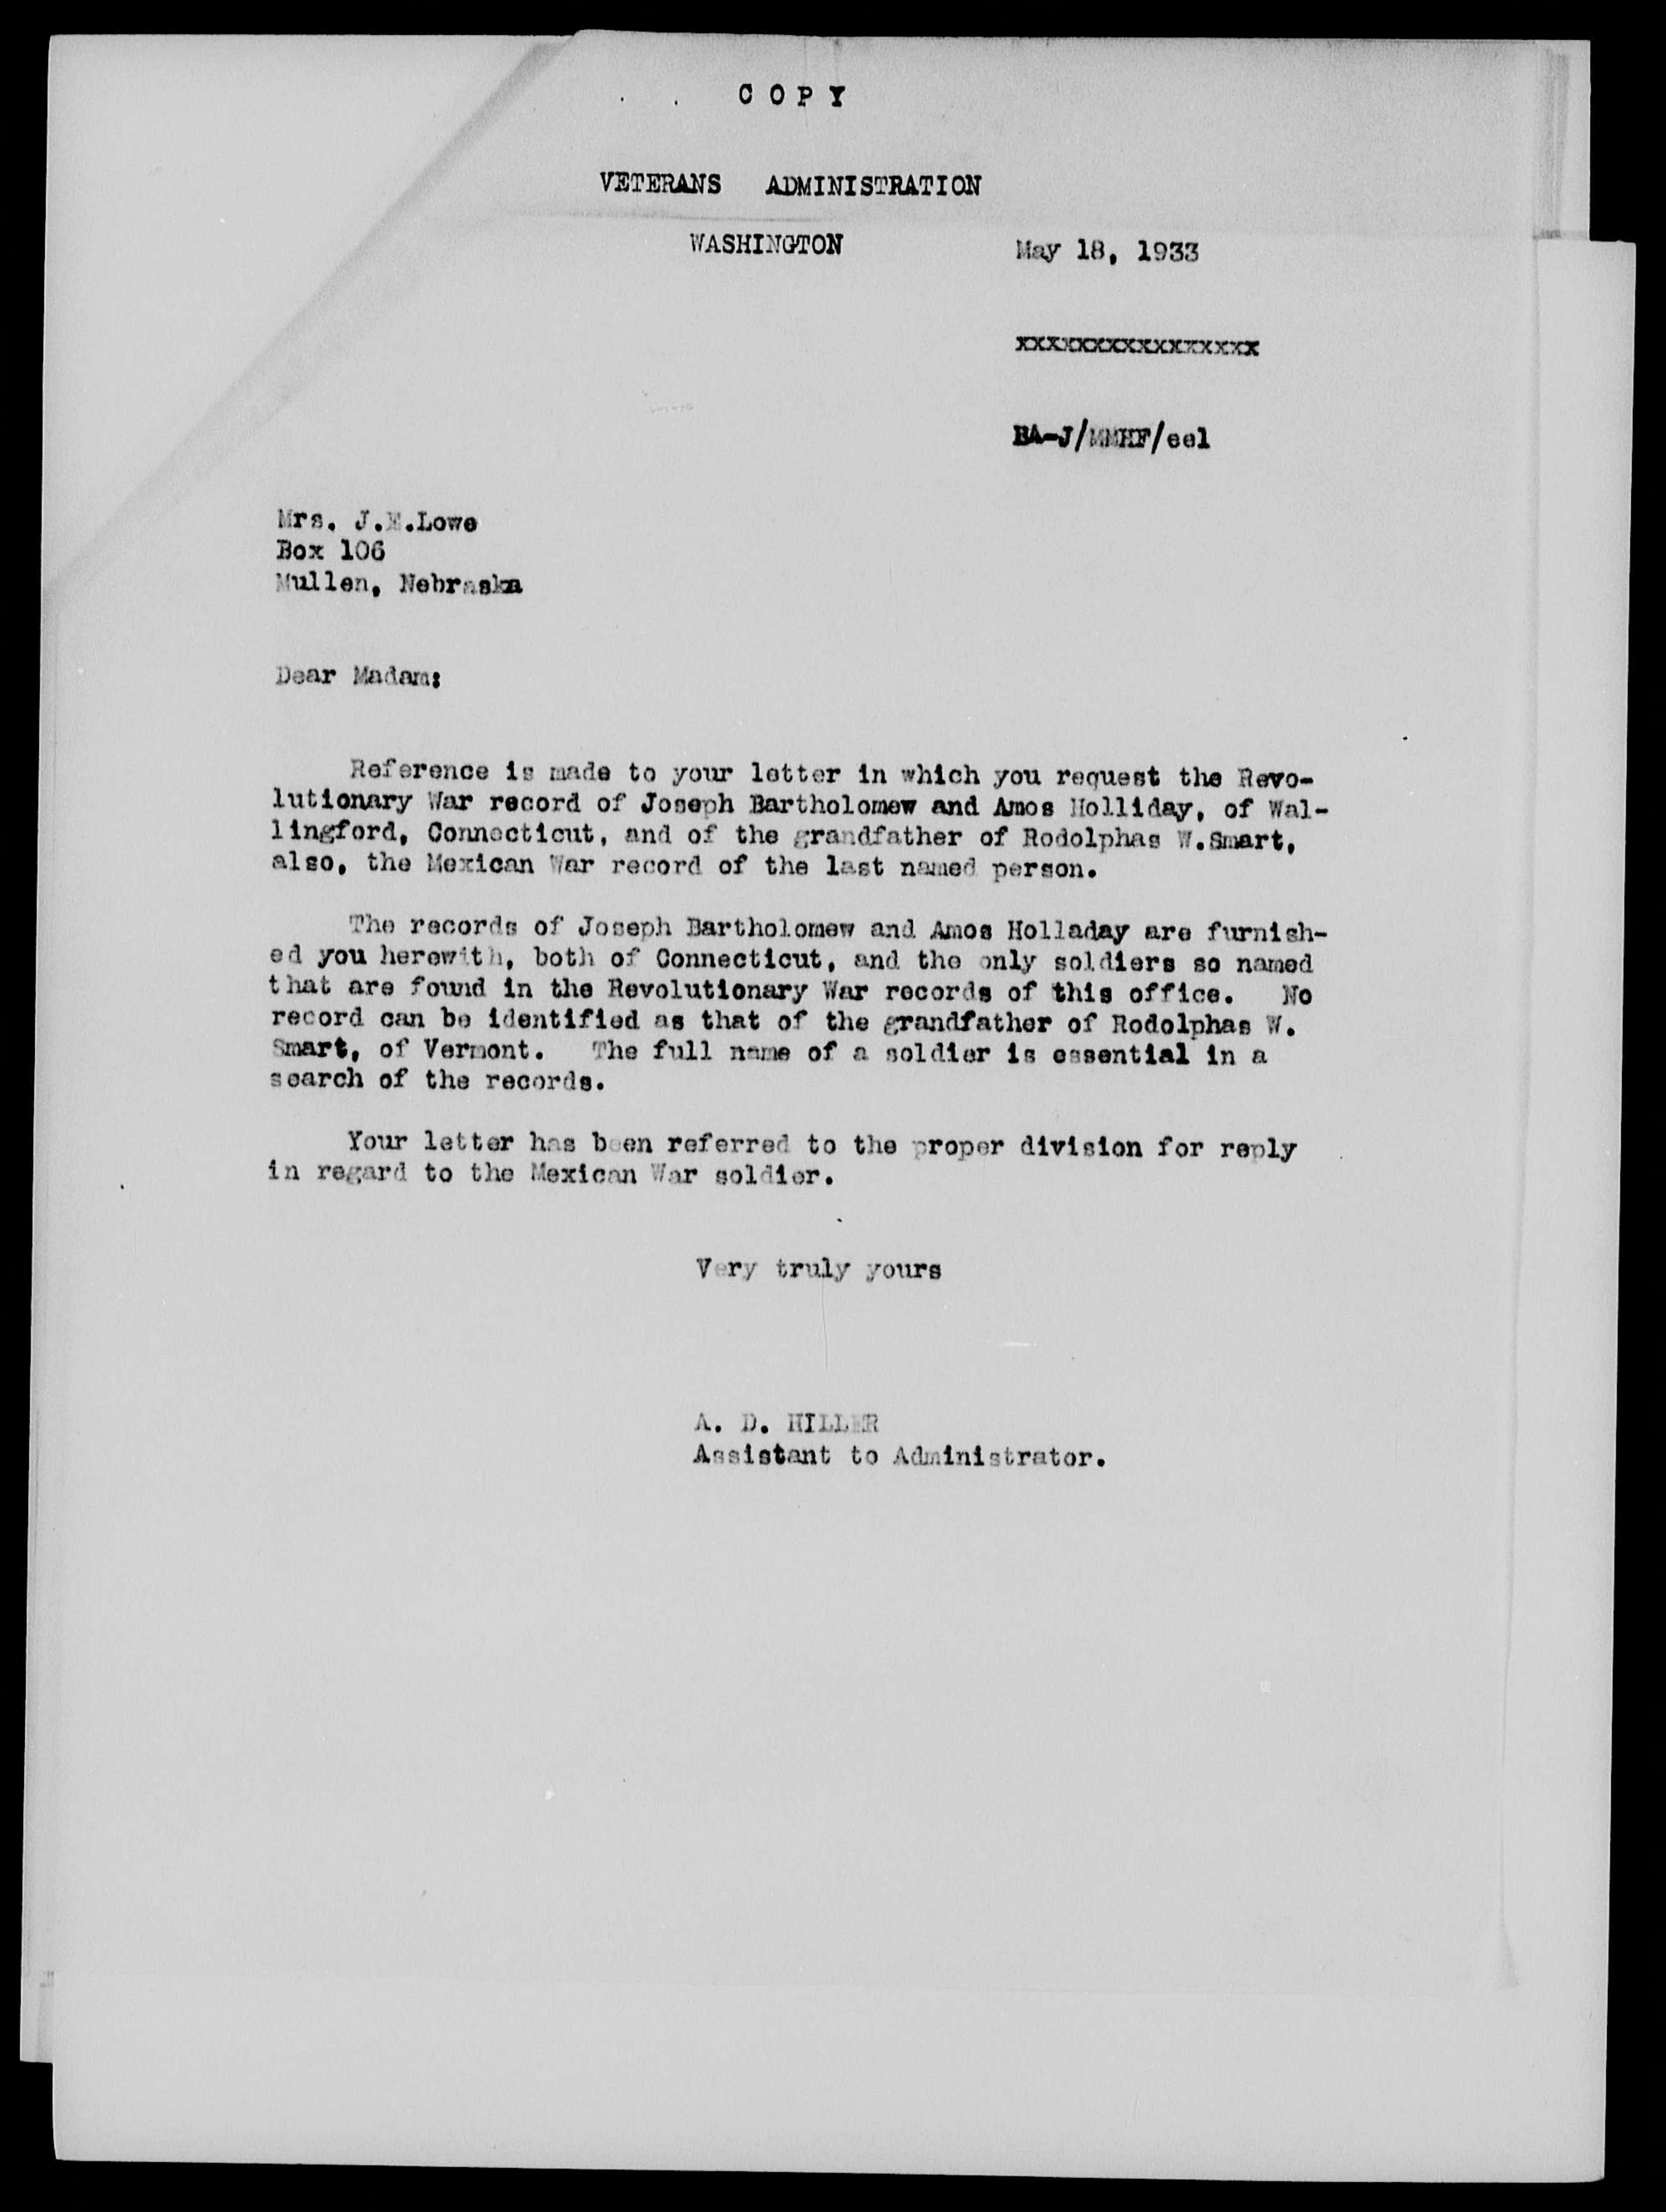VETERANS ADMINISTRATION
WASHINGTON                                          May 18, 1933
                                                                  XXXXXXXXXXXXXXXX

                                                                  HA-J/MMHF/eel
Mrs. J. H. Lowe
Box 106
Mullen, Nebraska

Dear Madam:

Reference is made to your letter in which you request the Revo-
lutionary War record of Joseph Bartholomew and Amos Holliday, of Wal-
lingford, Connecticut, and of the grandfather of Rodolphas W. Smart,
also, the Mexican War record of the last named person.
The records of Joseph Bartholomew and Amos Holladay are furnished
you herewith, both of Connecticut, and the only soldiers so named
that are found in the Revolutionary War records of this office. No
record can be identified as that of the grandfather of Rodolphas W.
Smart, of Vermont. The full name of a soldier is essential in a
search of the records.
Your letter has been referred to the proper division for reply
in regard to the Mexican War soldier.
Very truly yours
A. D. HILLER
Assistant to Administrator.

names: J E Lowe, Joseph Bartholomew, A D Hiller, Amos Holladay, Amos Holliday, Joseph Bartholomew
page: 70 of 76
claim: widow's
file: W. 9345, Joseph Bartholomew, Conn.